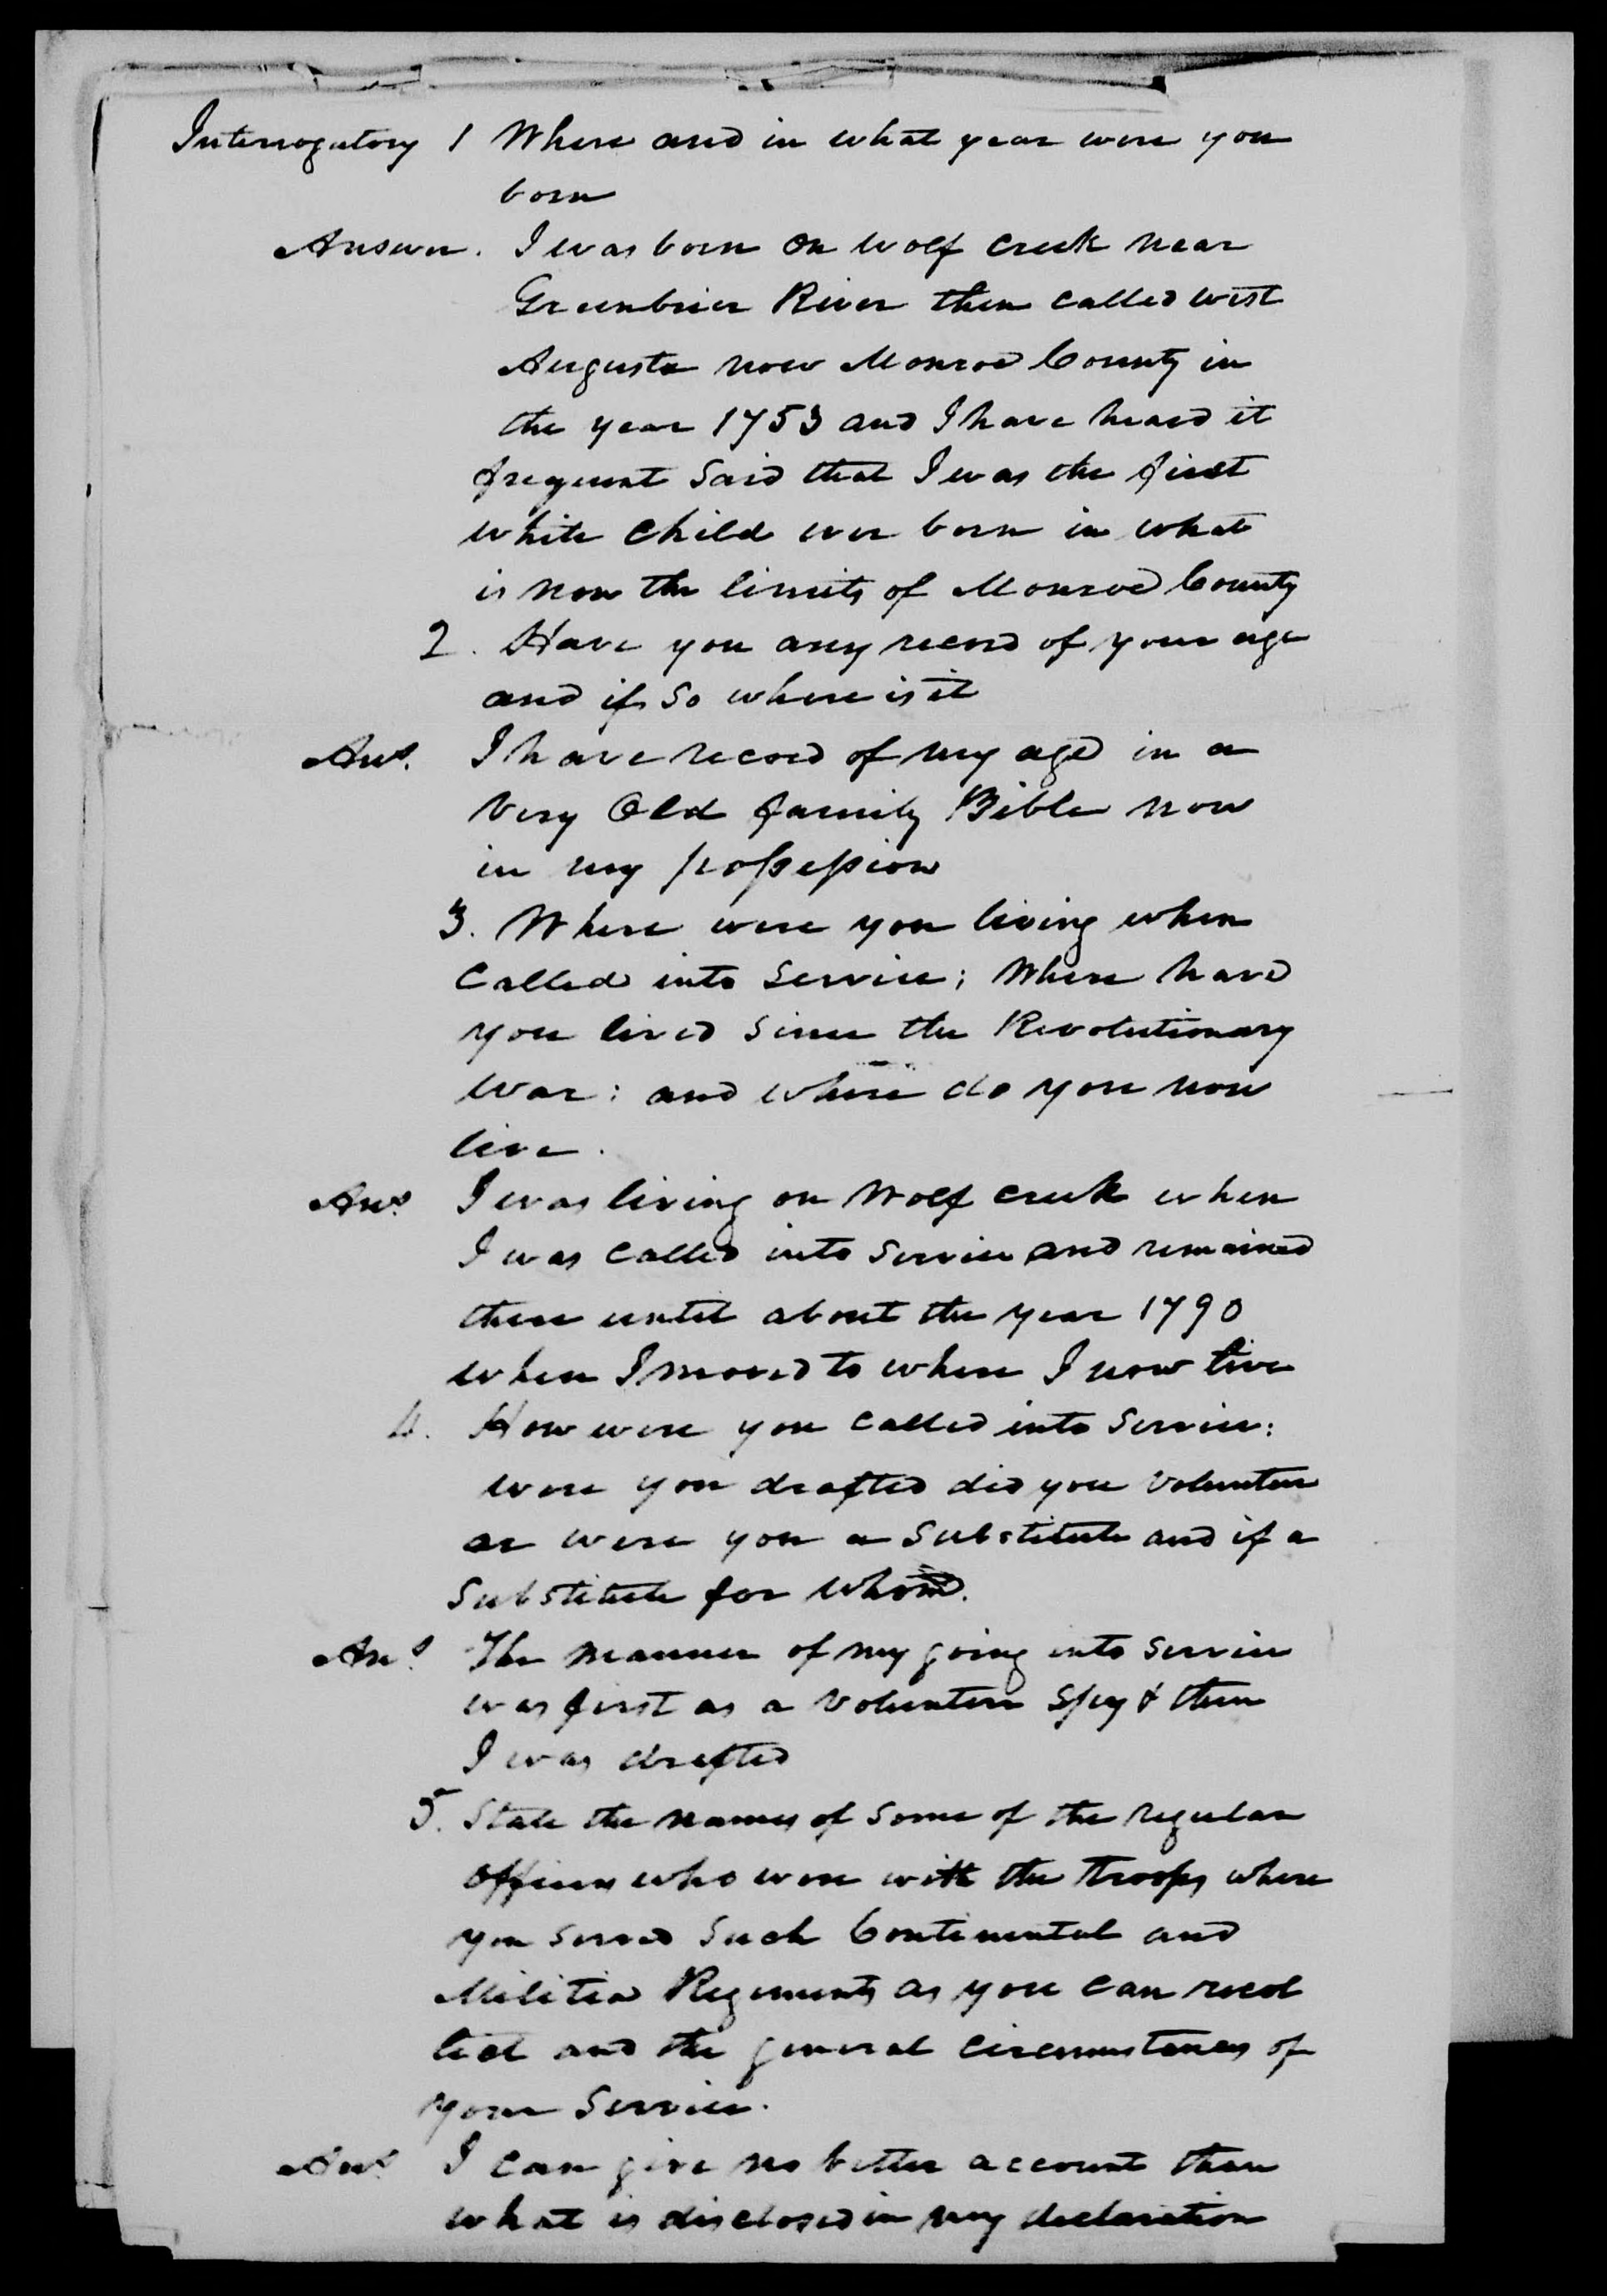Interrogatory 
1 Where and in what year were you born

Answer: I was born on Wolf Creek near
Greenbrier River then called west
Augusta now Monroe County in
the year 1753 and I have heard it
frequent said that I was the first
white child was born in what
is now the limits of Monroe County

2. Have you any record of your age
and if so where is it

Ans: I have record of my age in a
very old family Bible now
in my possession

3. Where were you living when
called into service; where have
you lived since the Revolutionary
War; and where do you now
live.
Ans: I was living on Wolf creek when
I was called into service and remained
there until about the year 1790
when I moved to where I now live

4. How were you called into service:
were you drafted did you volunteer
or were you a substitute and if a
substitute for whom

Ans: The manner of my going into service
was first as a volunteer spy & then
I was drafted

5. State the names of some of the Regular
officers who were with the troops where
you served such Continental and
Militia Regiments as you can recollet and the general circumstances of
your service.

Ans: I can give no better account then
what is disclosed in my declaration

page: 8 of 16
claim: rejected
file: R 10366, for Michael Swope, Virginia